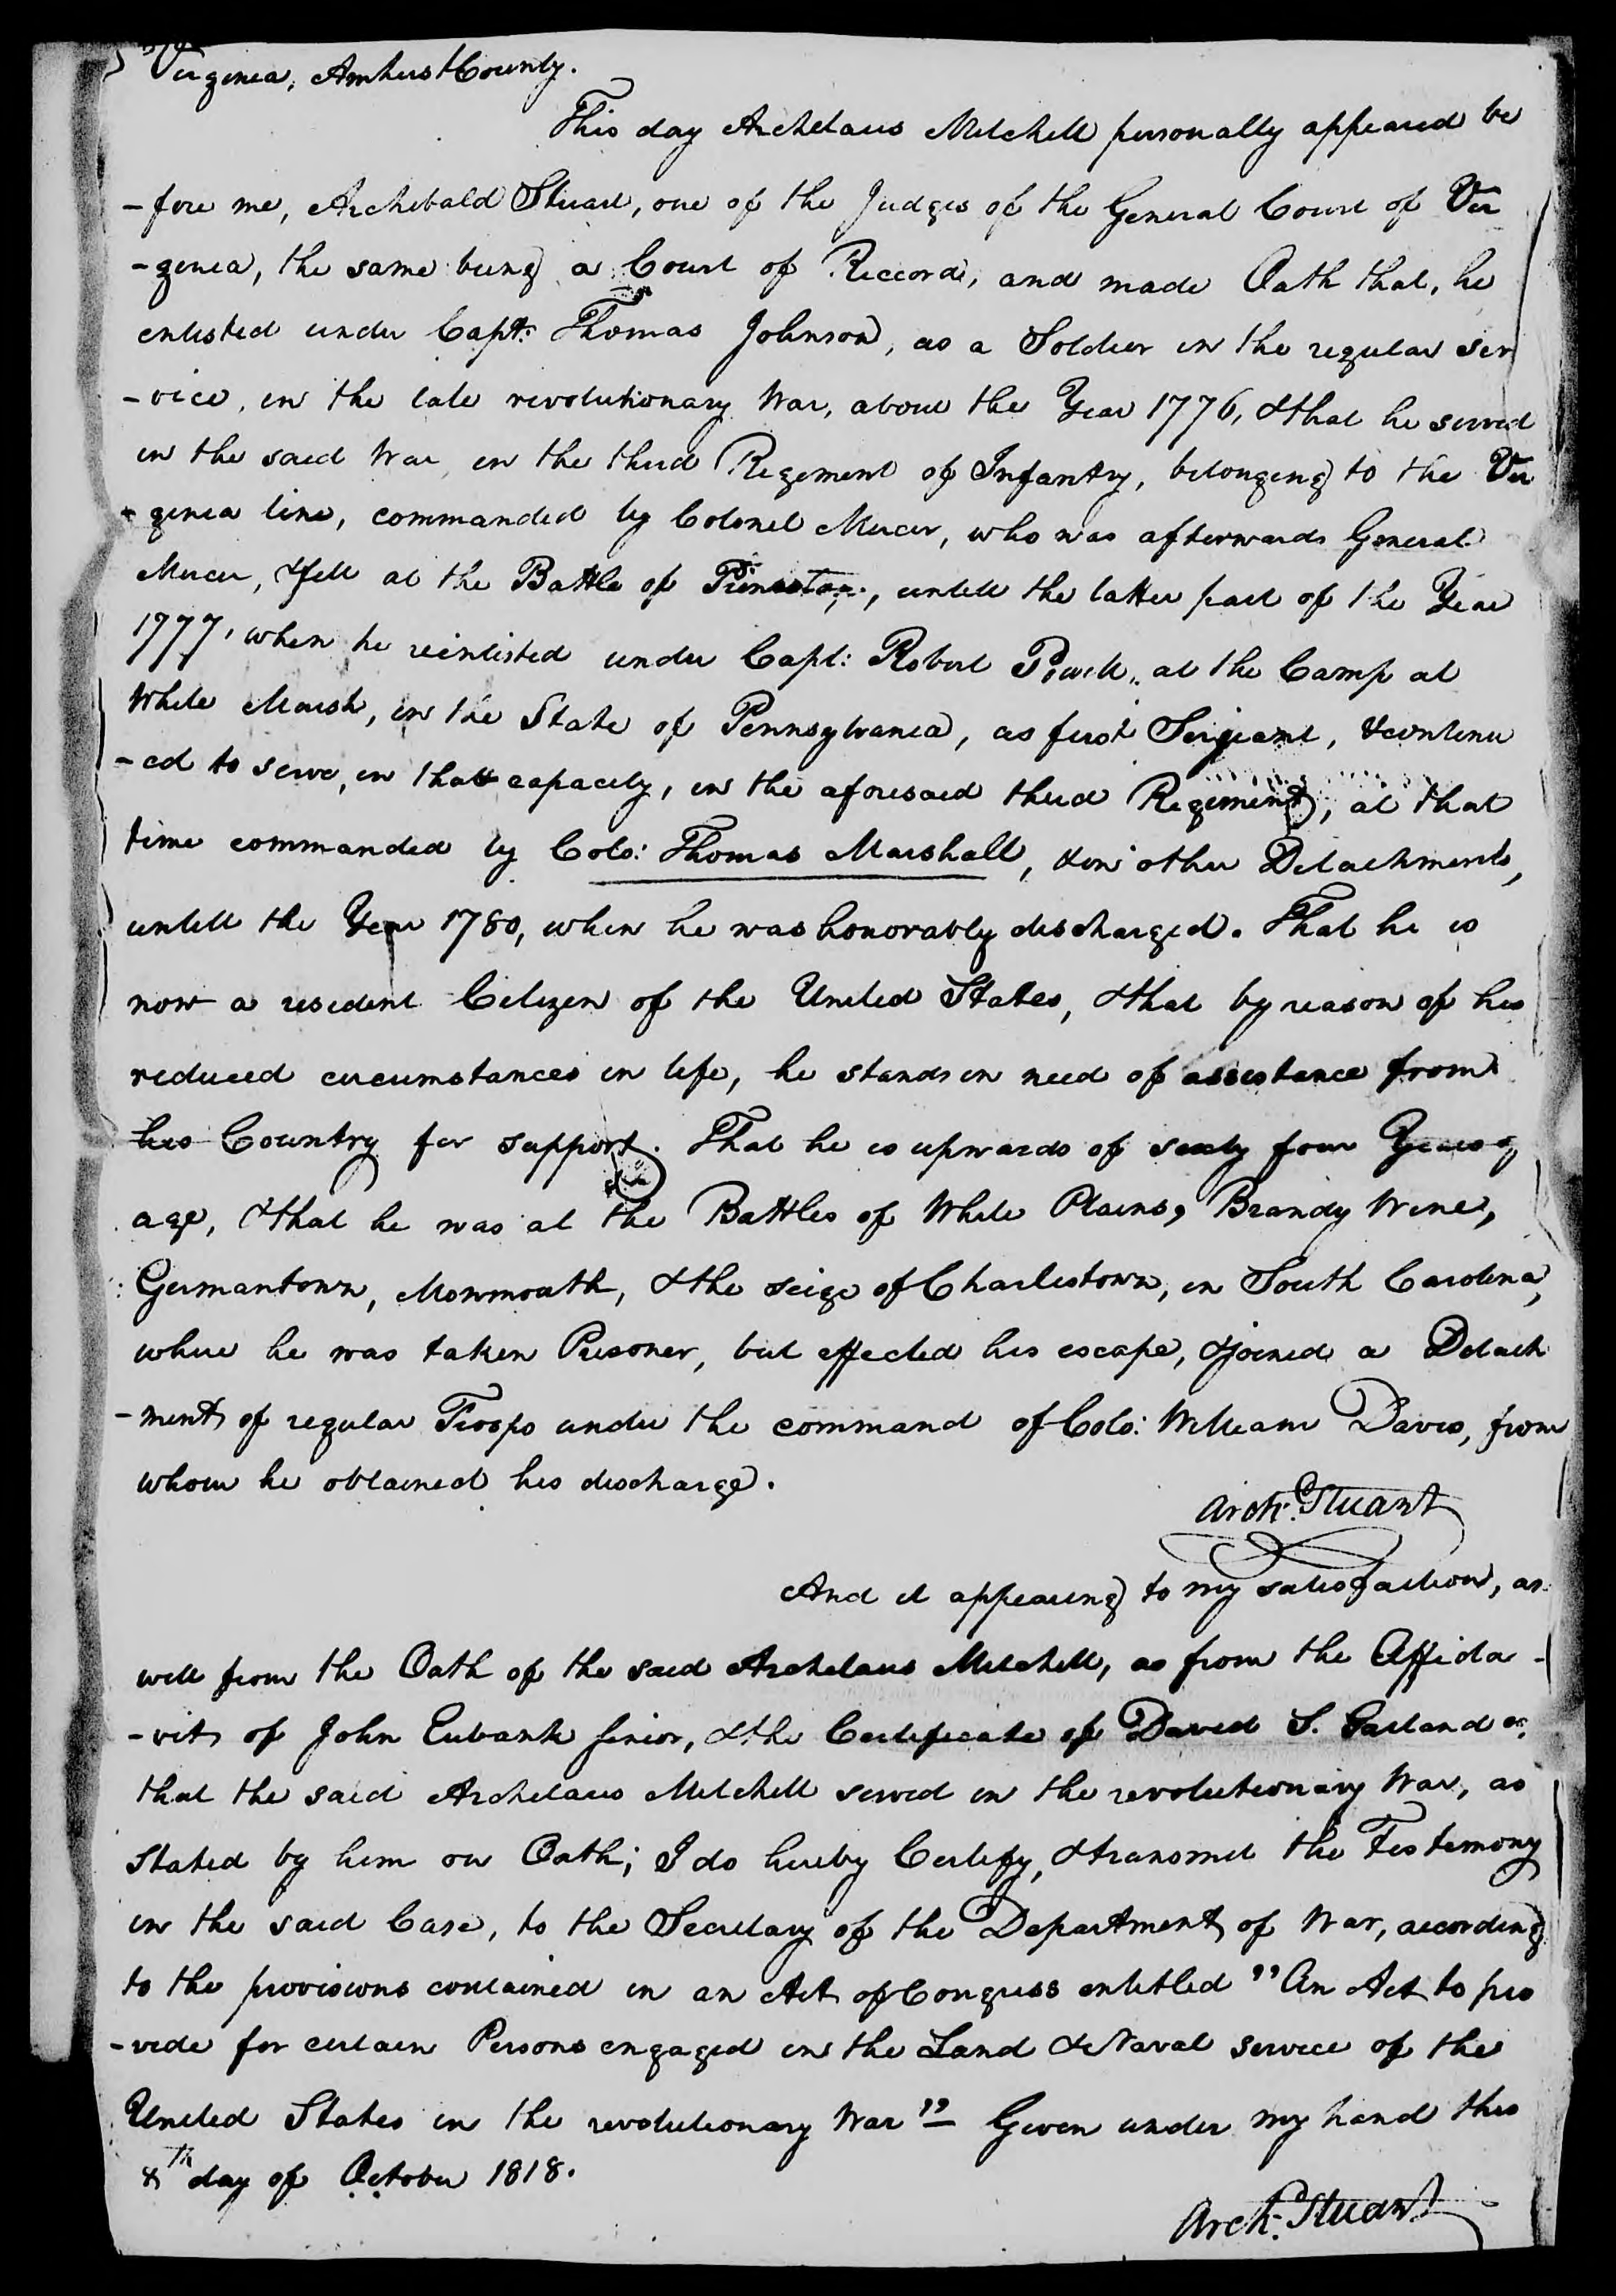Virginia, Amherst County.

This day Archelaus Mitchell personally appeared before me, Archibald Stuart, one of the Judges of the General Court of Virginia, the same being a Court of Record, and made Oath that, he enlisted under Capt: Thomas Johnson, as a Soldier in the regular service, in the late revolutionary war, about the year 1776, & that he served in the said war, in the third Rigement(sic) of Infantry, belonging to the Virginia line, commanded by Colonel Mercer, who was afterwards General Mercer, fell at the Battle of [illegible], untill the latter part of the year 1777, when he reinlisted under Capt: Robert Piuck, at the Camp at White Marsh, in the State of Pennsylvania, as first Serjiant(sic) & continued to serve, in that capacity, in the aforesaid third Regement(sic), at that time commanded by Colo: Thomas Marshall, & in other Detachments, untill the year 1780, when he was honorably discharged. That he is now a resident Citizen of the United States, & that by reason of his reduced circumstances in life, he stands in need of assistance from his Country for support. That he is upwards of sixty four years of age, That he was at the Battles of White Plains, Brandy Wine, Germantown, Monmouth, & the seige of Charleston, in South Carolina, where he was taken Prisoner, but effected(sic) his escape, & joined a Detachment of regular Troops under the command of Colo: William Davis, from whom he obtained his discharge.
Archᵈ Stuart [signature]

And it appearing to my satisfaction, as well from the Oath of the said Archelaus Mitchell, as from the Affidavits of John Eubank senior, & the Certificate of David S. Garland as that the said Archelaus Mitchell served in the revolutionary war, as stated by him on Oath; I do hereby Certify, & transmit the Testimony in the said Case, to the Secretary of the Department of War, according to the provisions contained in an Act of Congress entitled "An Act to provide for certain Persons engaged in the Land & Naval Service of the United States in the revolutionary war"

Given under my hand this 4ᵗʰ day of October 1818.
Archᵈ Stuart [signature]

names: Thomas Marshall; Thomas Johnson; Archelaus Mitchell; Archibald Stuart; David S Garland; [BLANK] Mercer; William Davis; Robert Piuck; John Eubank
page: 6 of 23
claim: survivor's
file: S. 38226, for Archelaus Mitchell, Virginia